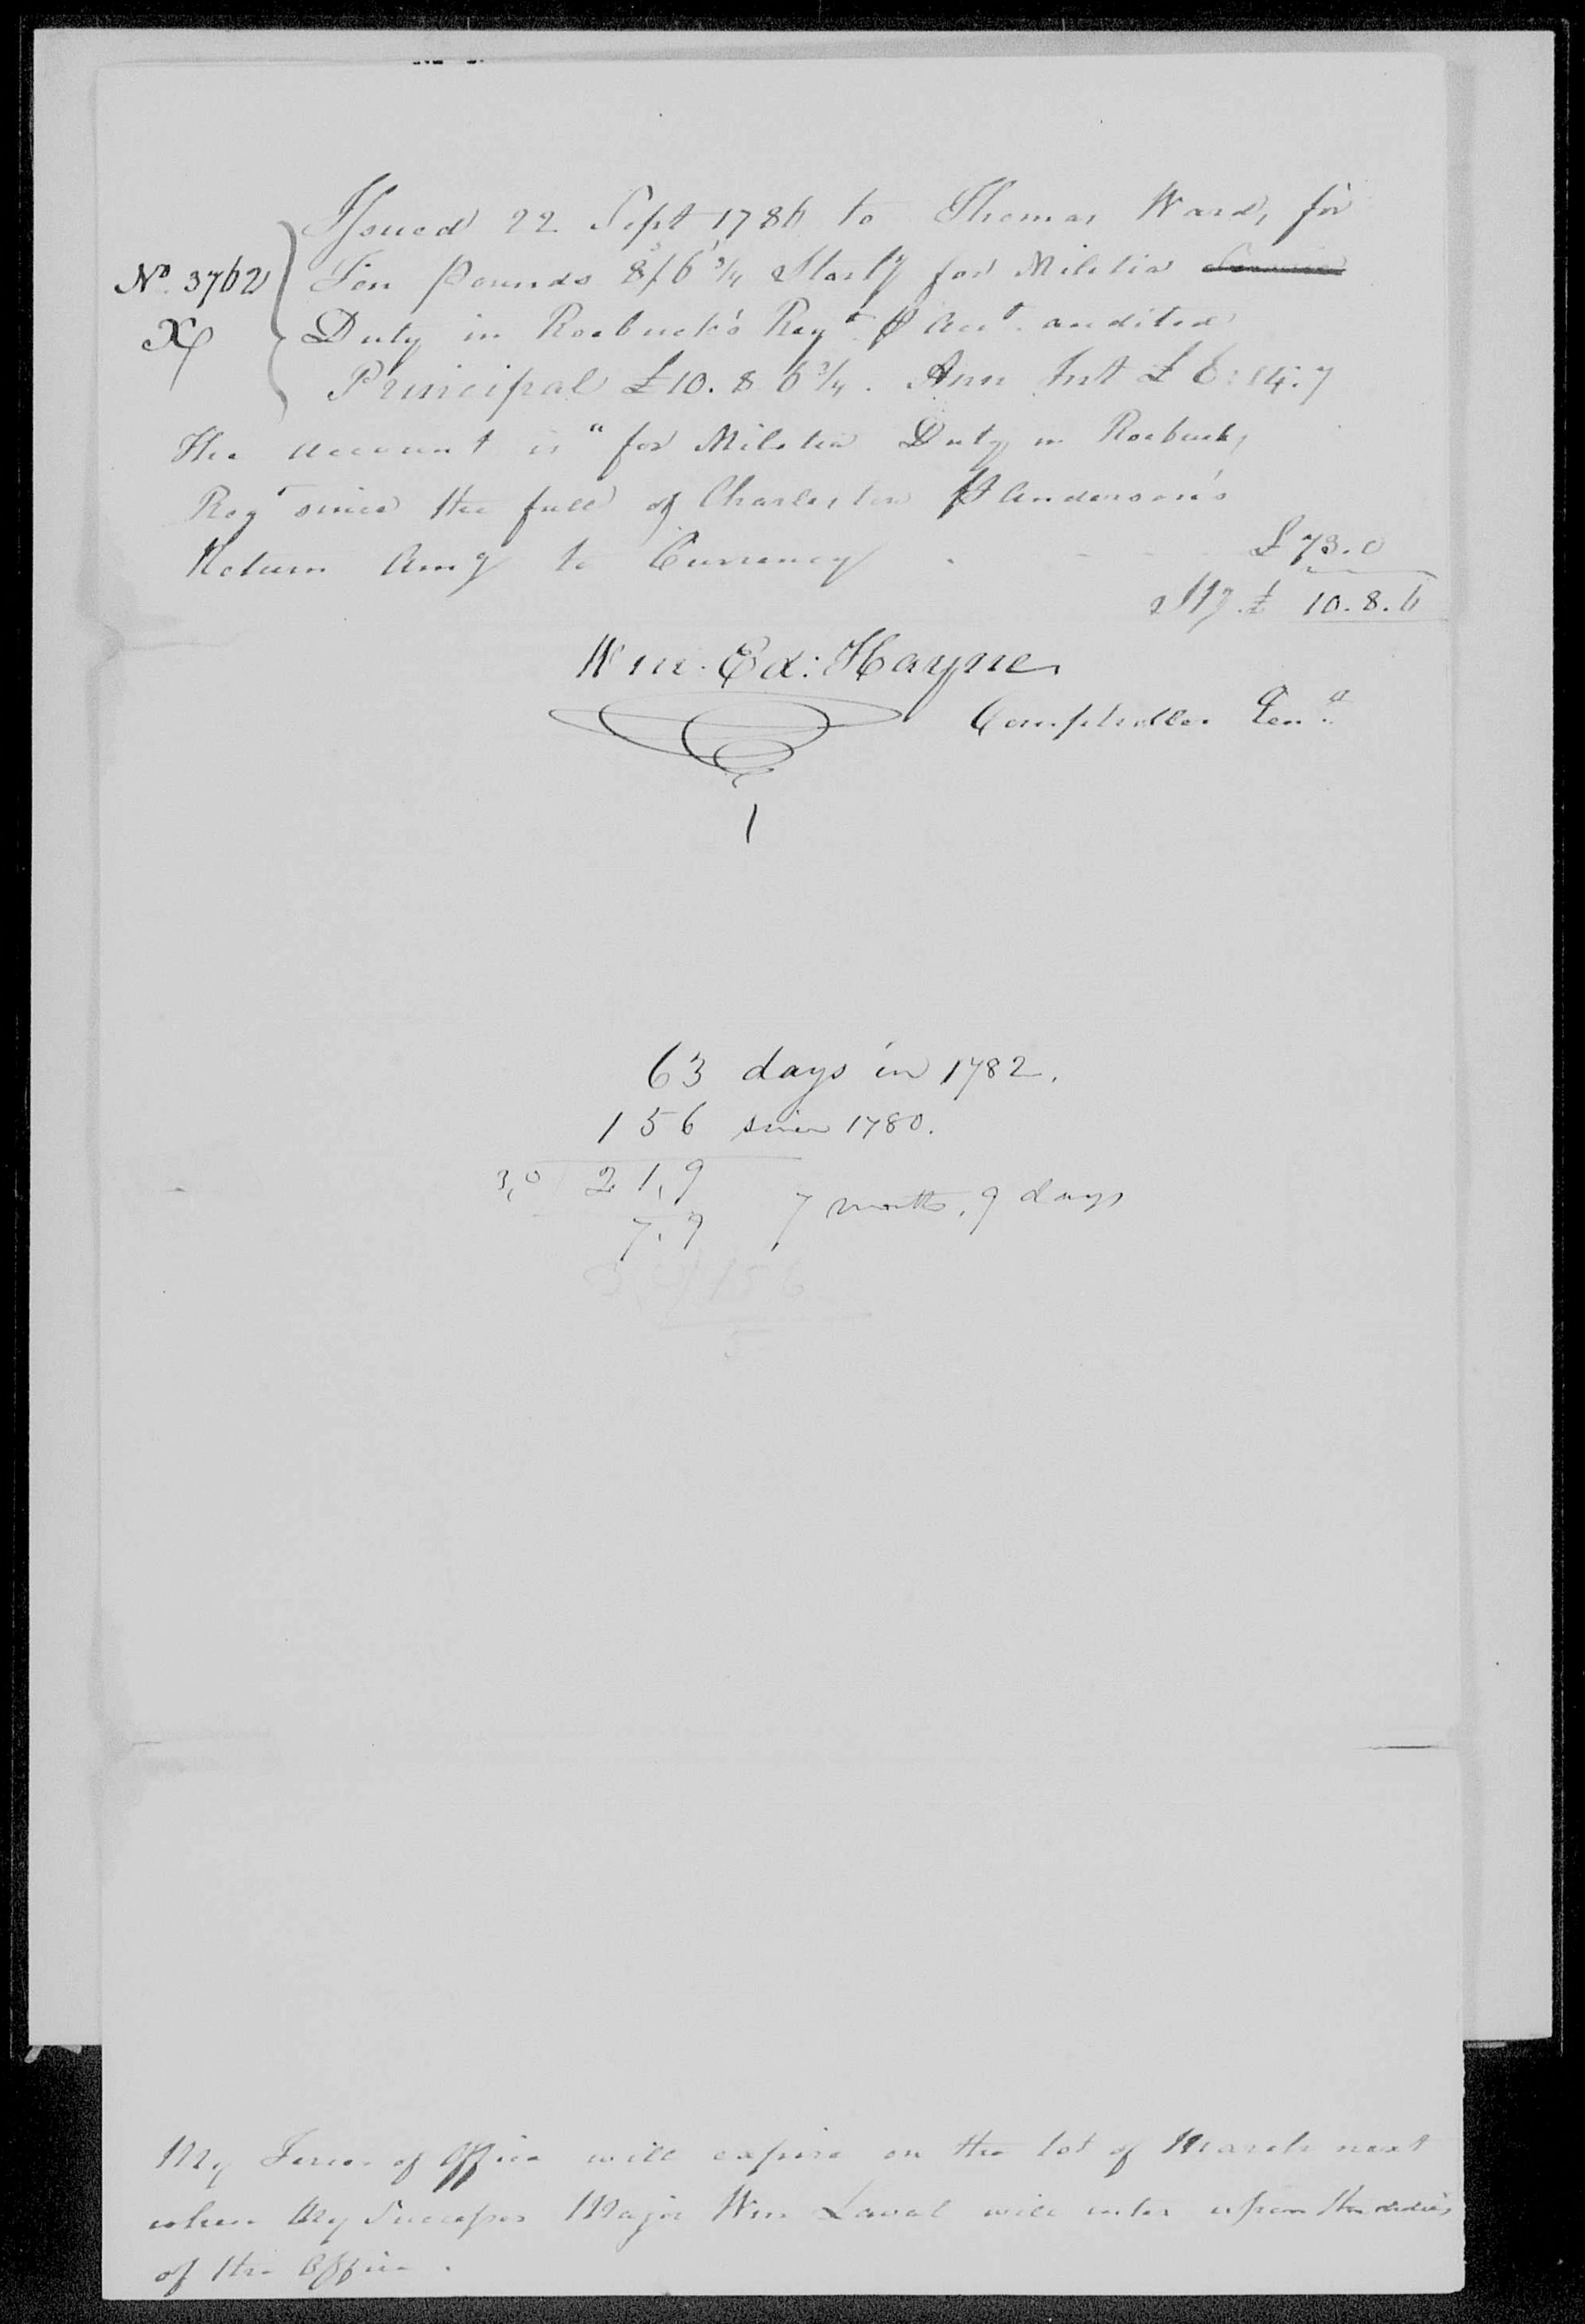No.  3762
X
I found 22 Sept 1786 to Thomas Ward for Ten Pounds 8 / 6' 3/4 Sterlg for Militia [crossed out 'service'] Duty in Roebuck's Regt. &[and] Acct. audited  Principal L[British pound symbol] 10. 8. 63/4. Ann.  Int. L[British pound symbol] 6: 14: 7

The account is "for Militia Duty in Roebuck's Regt. since the fall of Charleston &[and] Anderson's Return Amg.  to Currency.
L[British pound symbol] 73.0.  Its. L[British pound symbol]  10. 8. 6
Hone. Ed: Hayne
Comptroller Genl.



63 days in 1782.
156 since 1780.
3, 0   21,9
7.9.            7  months.  9 days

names: Wm Ed Hayne, Wm Lawal, Thomas Ward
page: 13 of 31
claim: survivor's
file: S. 14802, Thomas Ward, S.C.